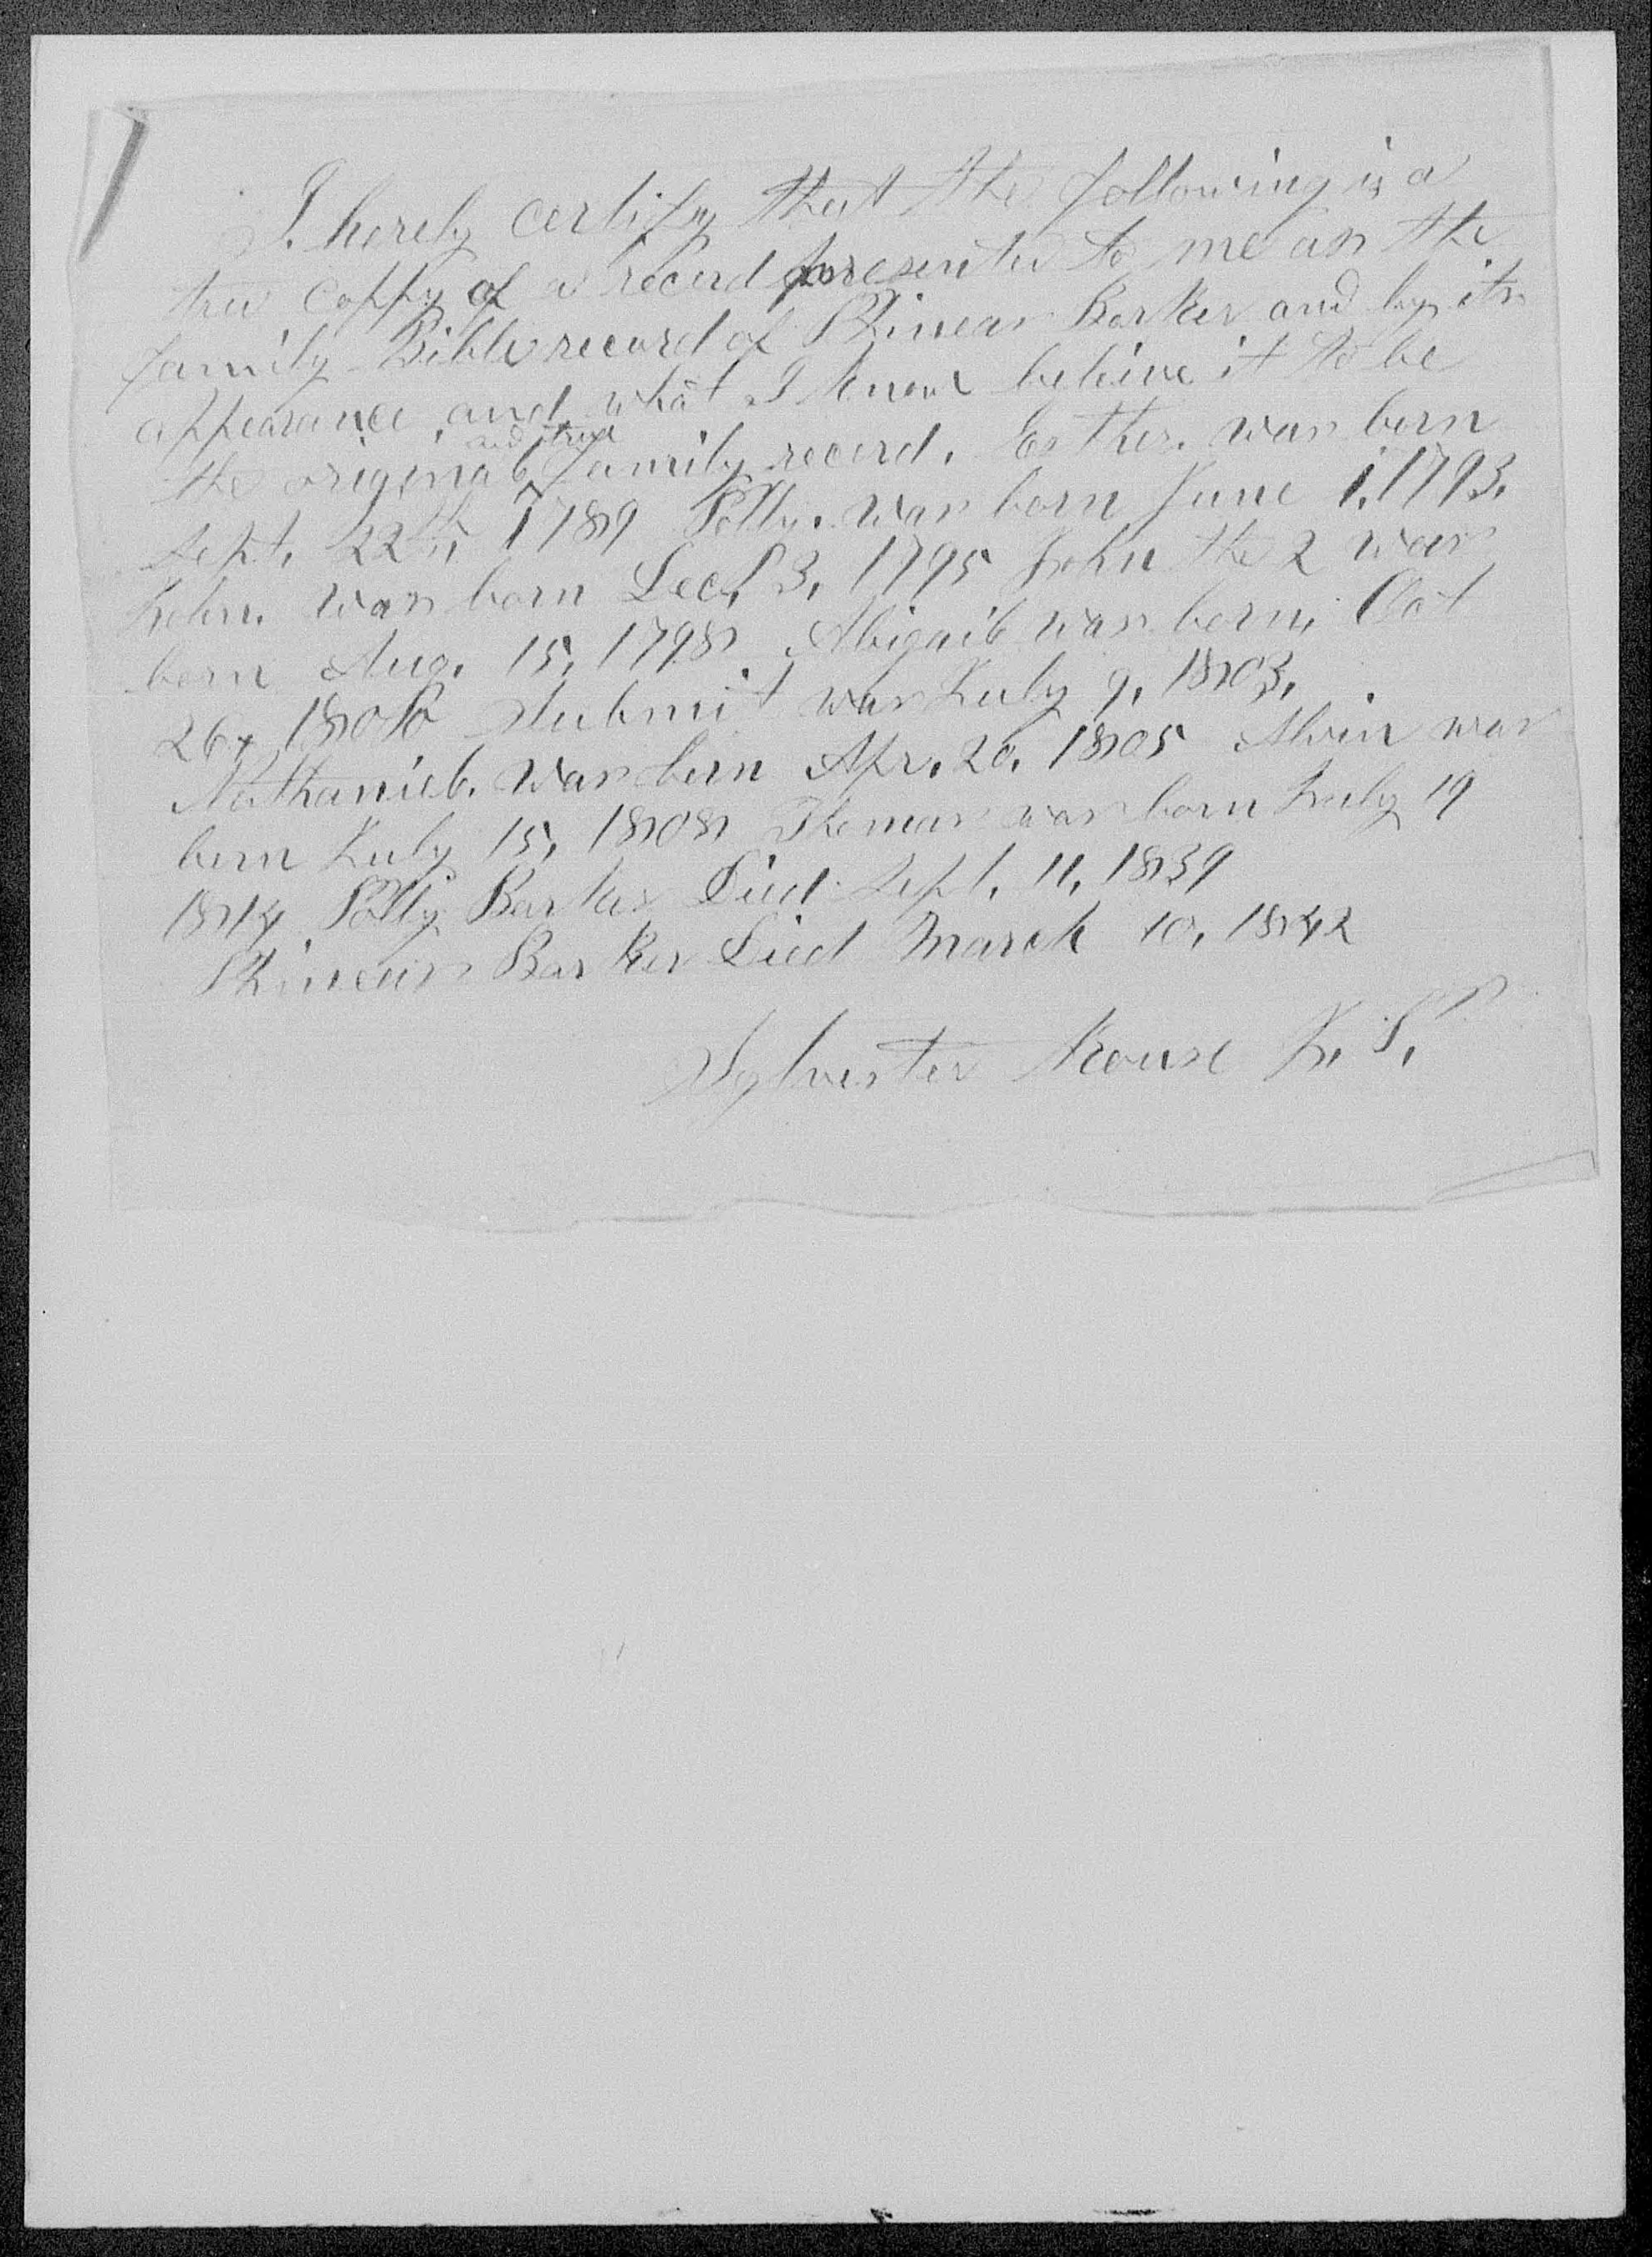I hereby certify that the following is a he coppy of a record presented to me as the family Bible record of Phineas Barker and by its appearance and what I know believe it to be The original and true family record.  Esther was born 19th 1789,  Polly, was born June 1 1793, John was born Dec. 3, 1795, John the 2 was born Aug. 17, 1798, Abigail has born Oct 26, 1800, Submit was July 7, 1803, Nathaniel Was born Apr. 20, 1805, Alvin was born July 13, 1808,  Thomas was born July 19 1814, Sally Barker Died Sept. 11, 1839 
Phineas Barker Died March 10, 1842. 
Sylvester Rouse  J. P.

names: Alvin, Polly, Abigail, Polly Barker, Phineas Barker, John, Sylvester Rouse, Submit, Nathaniel, Phineas, Phineas Barker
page: 9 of 35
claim: rejected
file: R. 501, Phineas Barker, Conn. Privateer